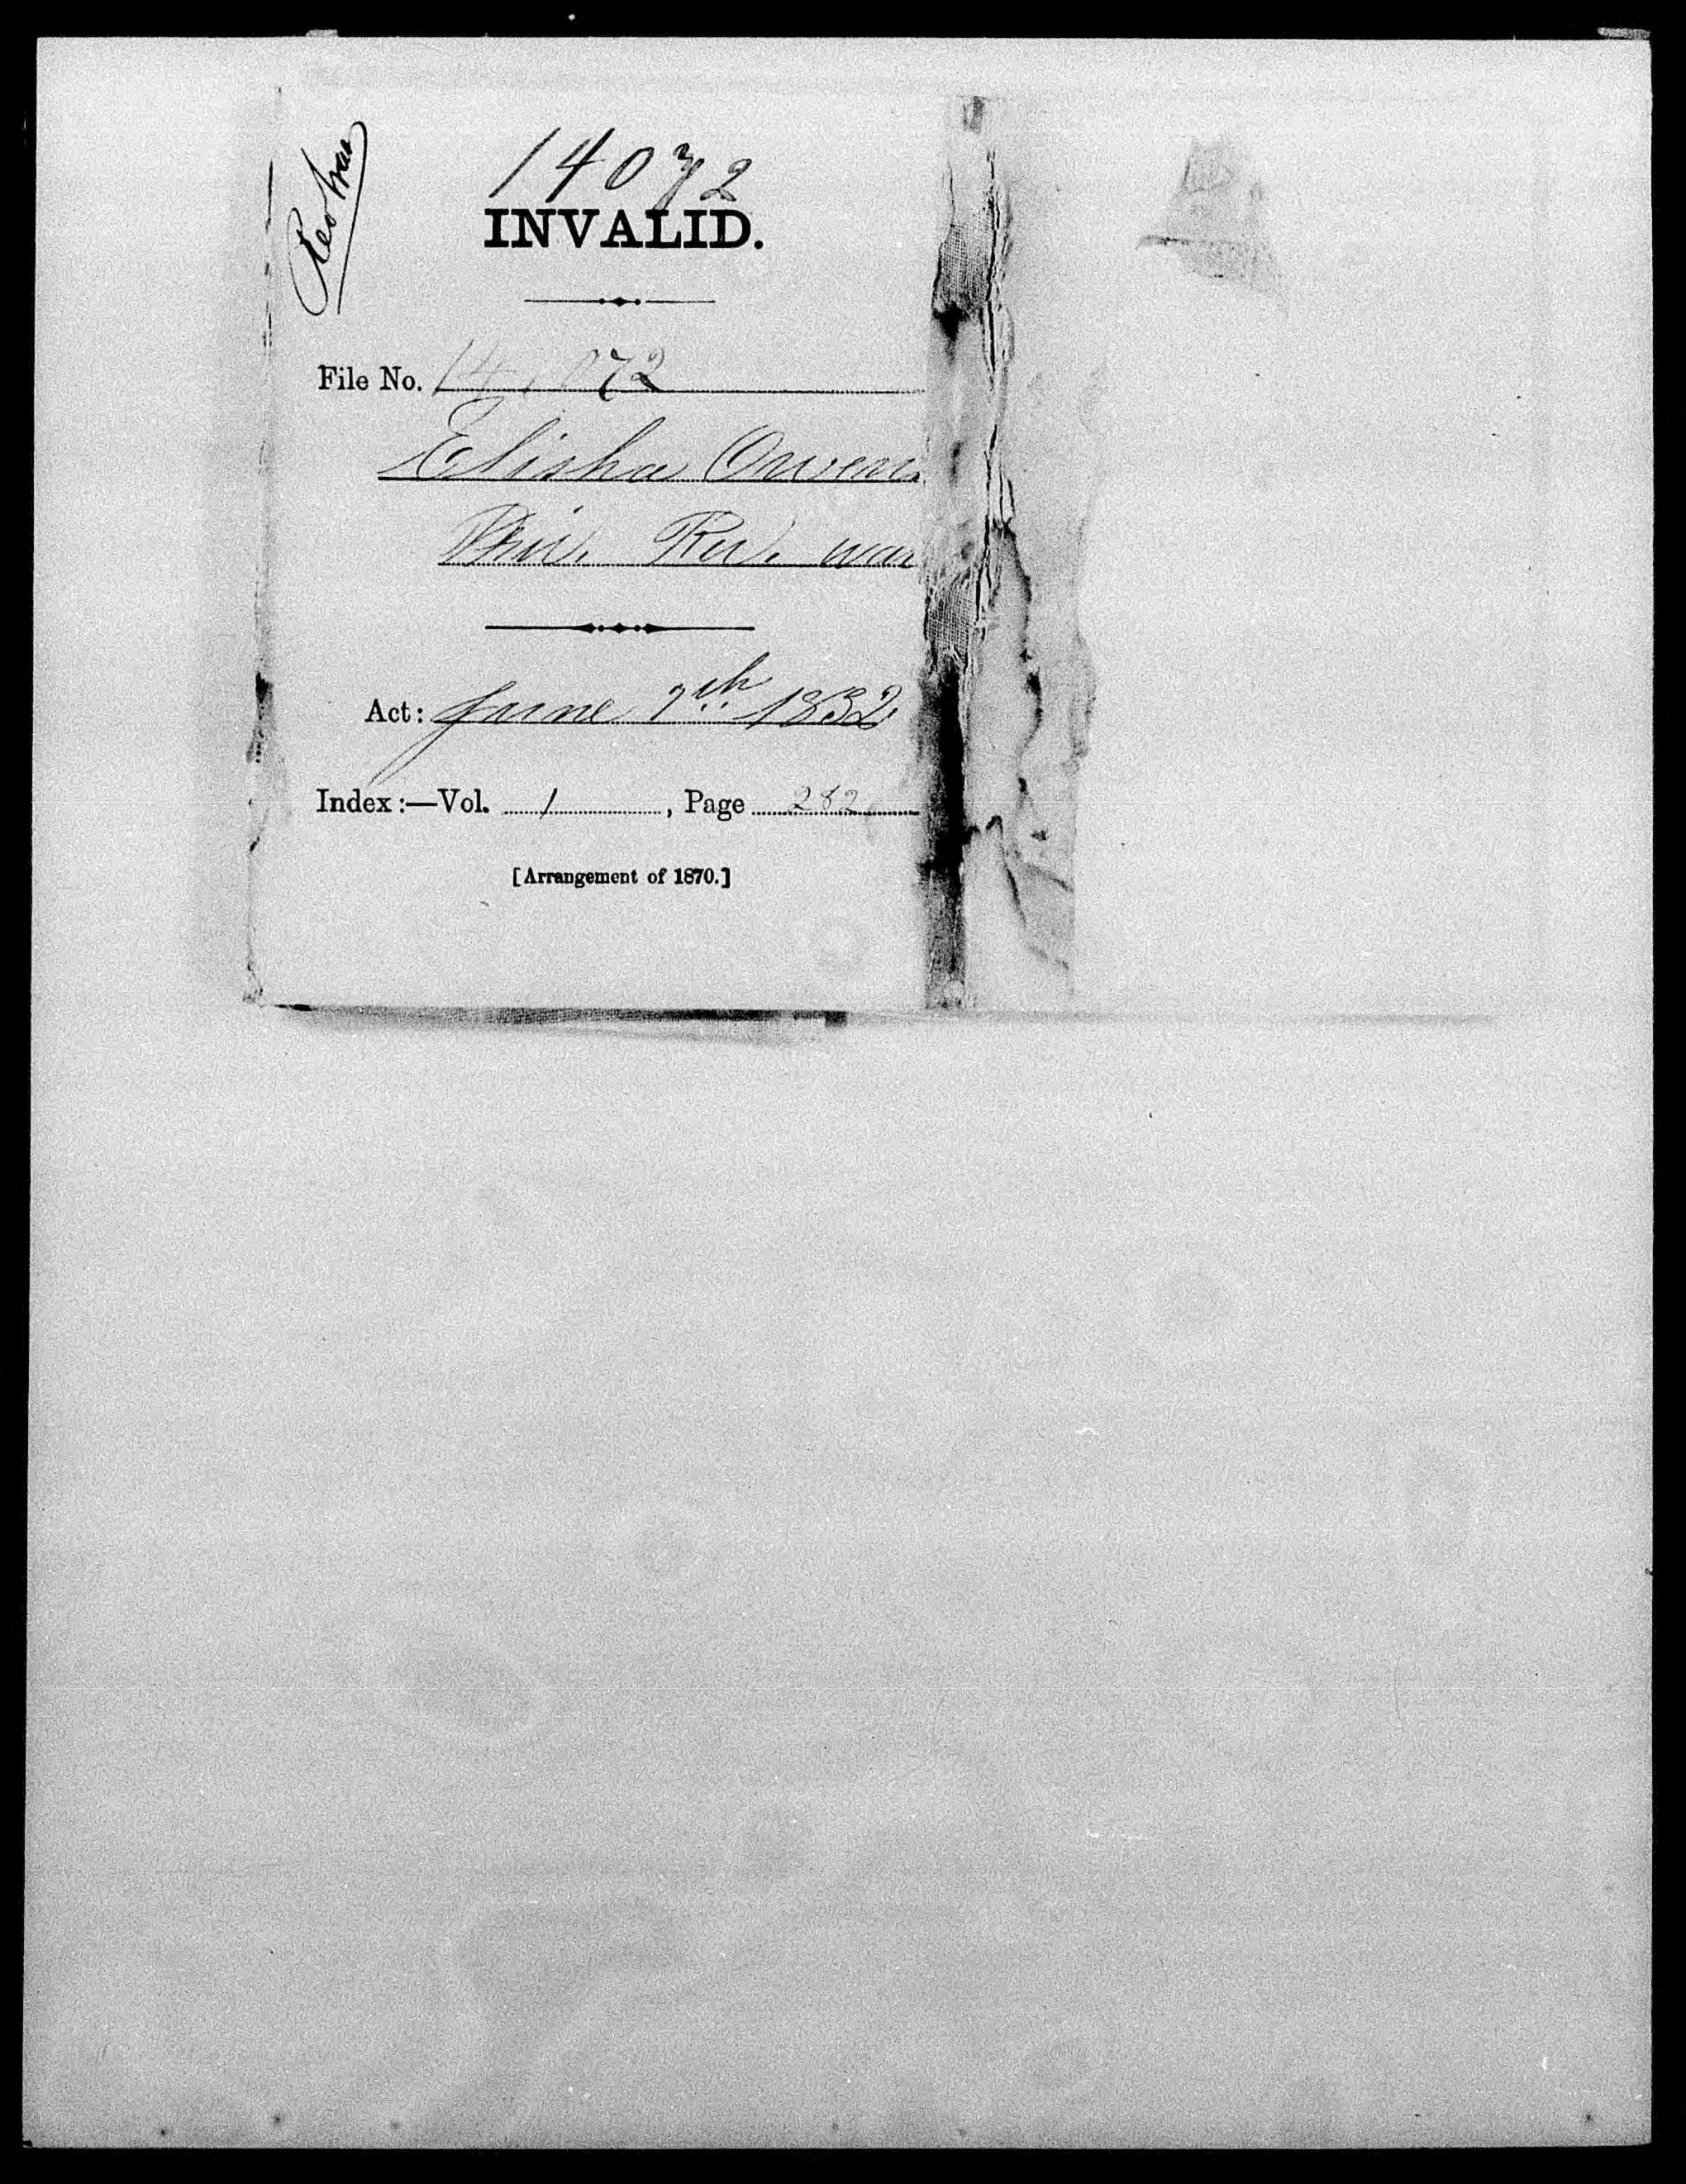14072
Invalid
File No. 14072
Elisha Owen
[illegible] Rev. war

Act: June 7th 1832
Index:-Vol. 1, Page 282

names: Elisha Owen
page: 10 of 23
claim: survivor's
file: S 14072, for Elisha Owen, Vermont